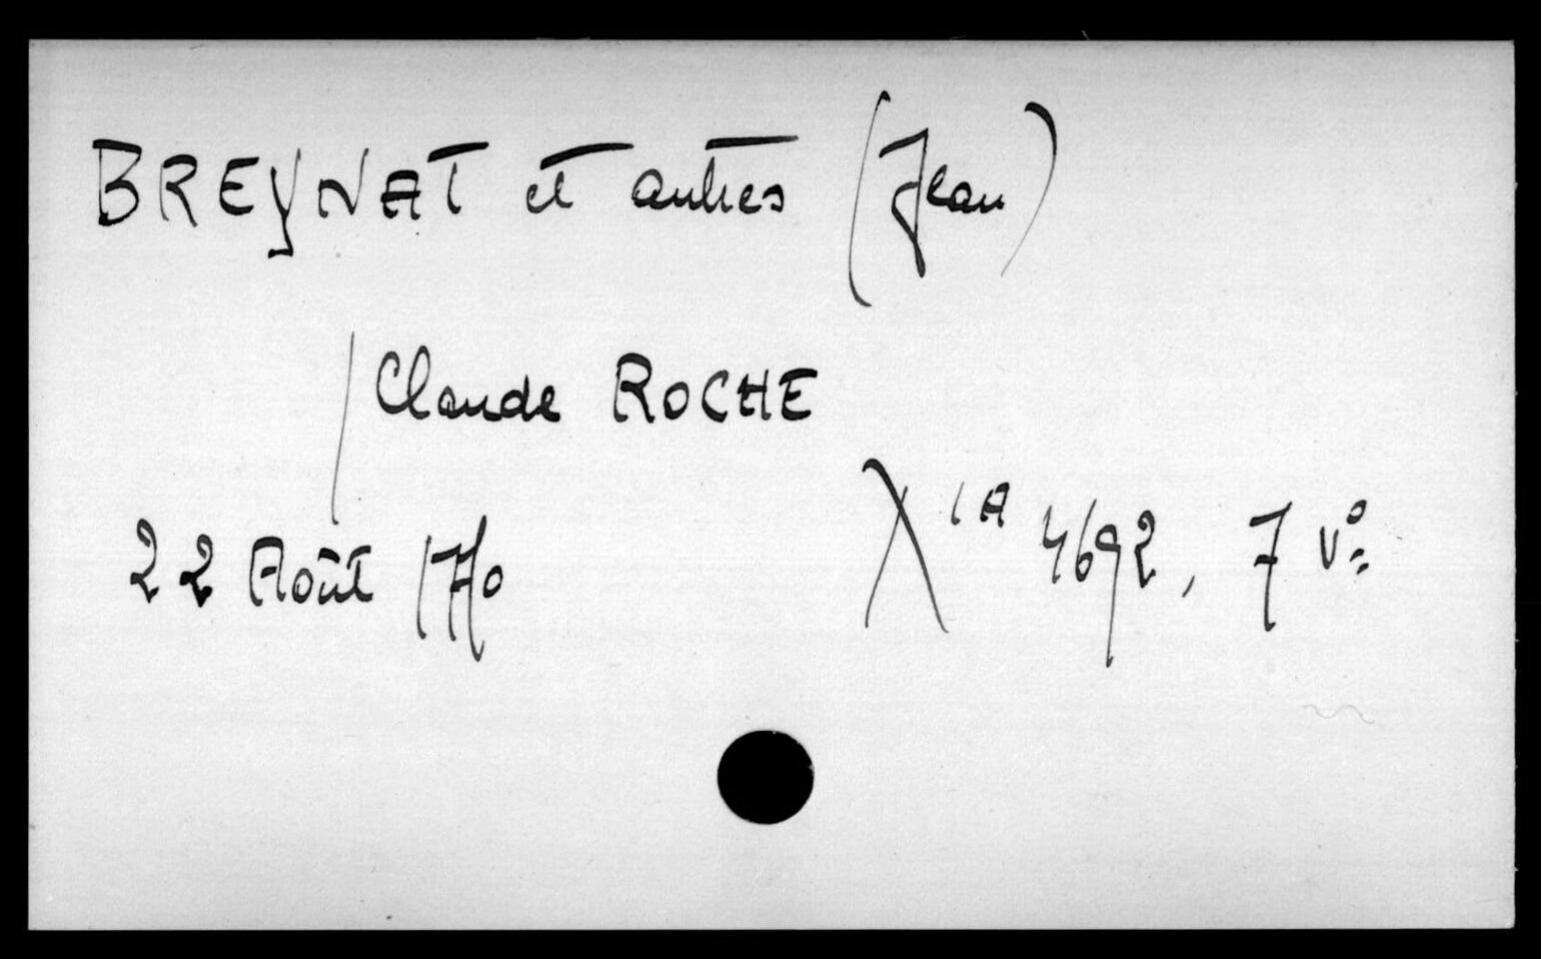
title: BREYNAT et autres (Jean)
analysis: Contre Claude ROCHE
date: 22 août 1770
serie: X1A
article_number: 4692
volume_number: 7v
